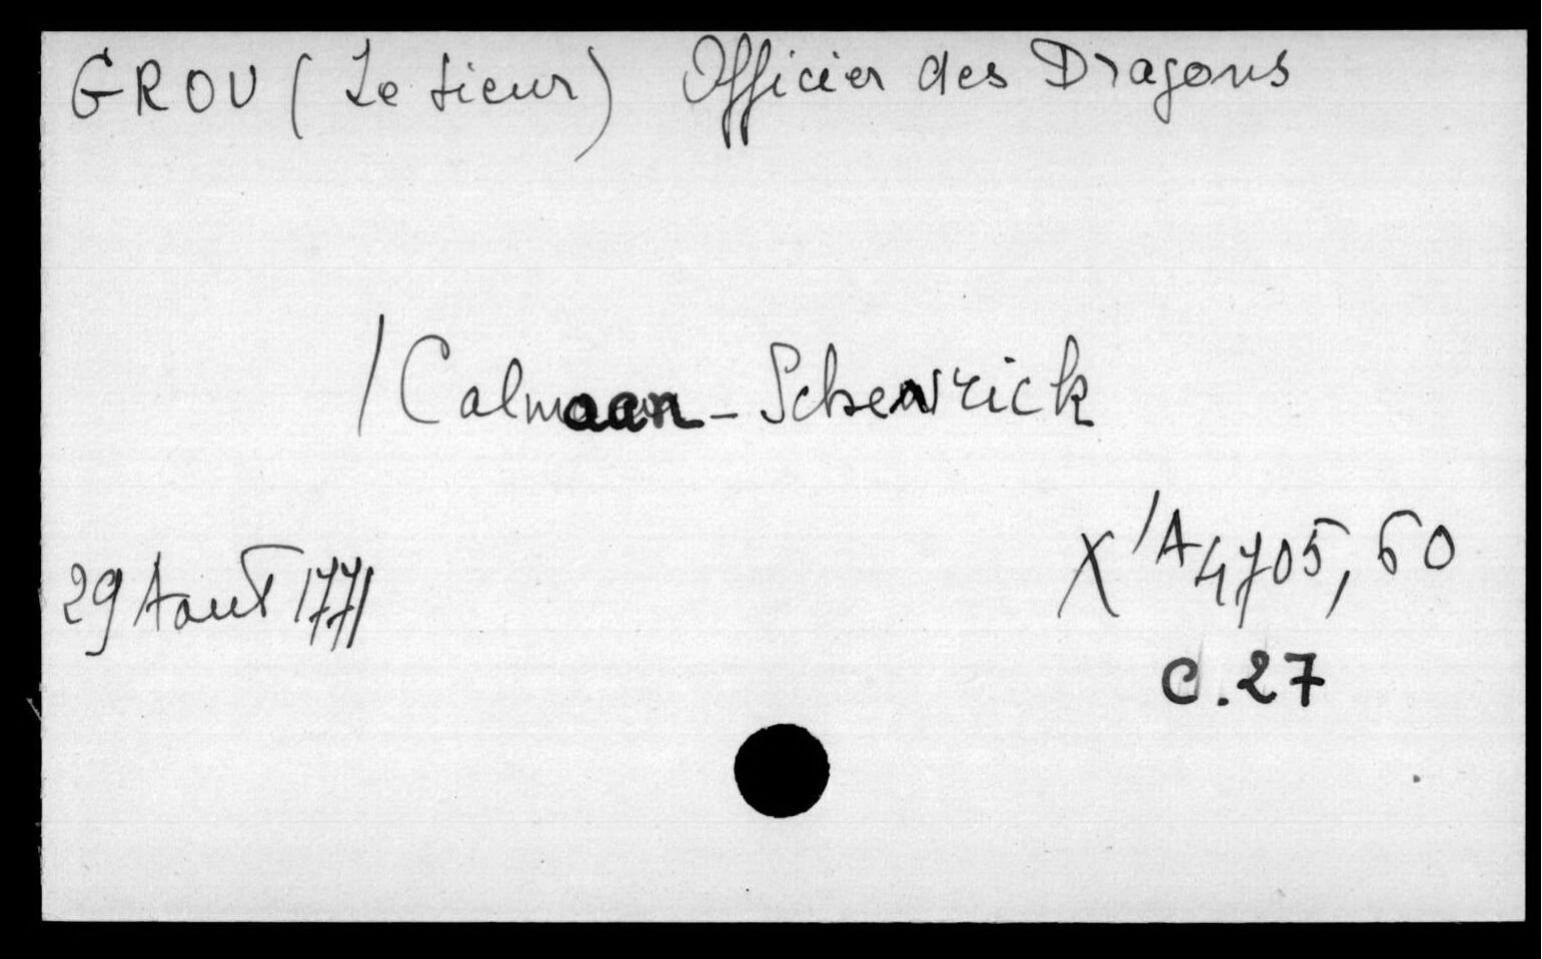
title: GROU (le sieur), officier des dragons
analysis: Contre Calmaan-Schenrick
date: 29 août 1771
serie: X1A
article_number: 4705
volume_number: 60
